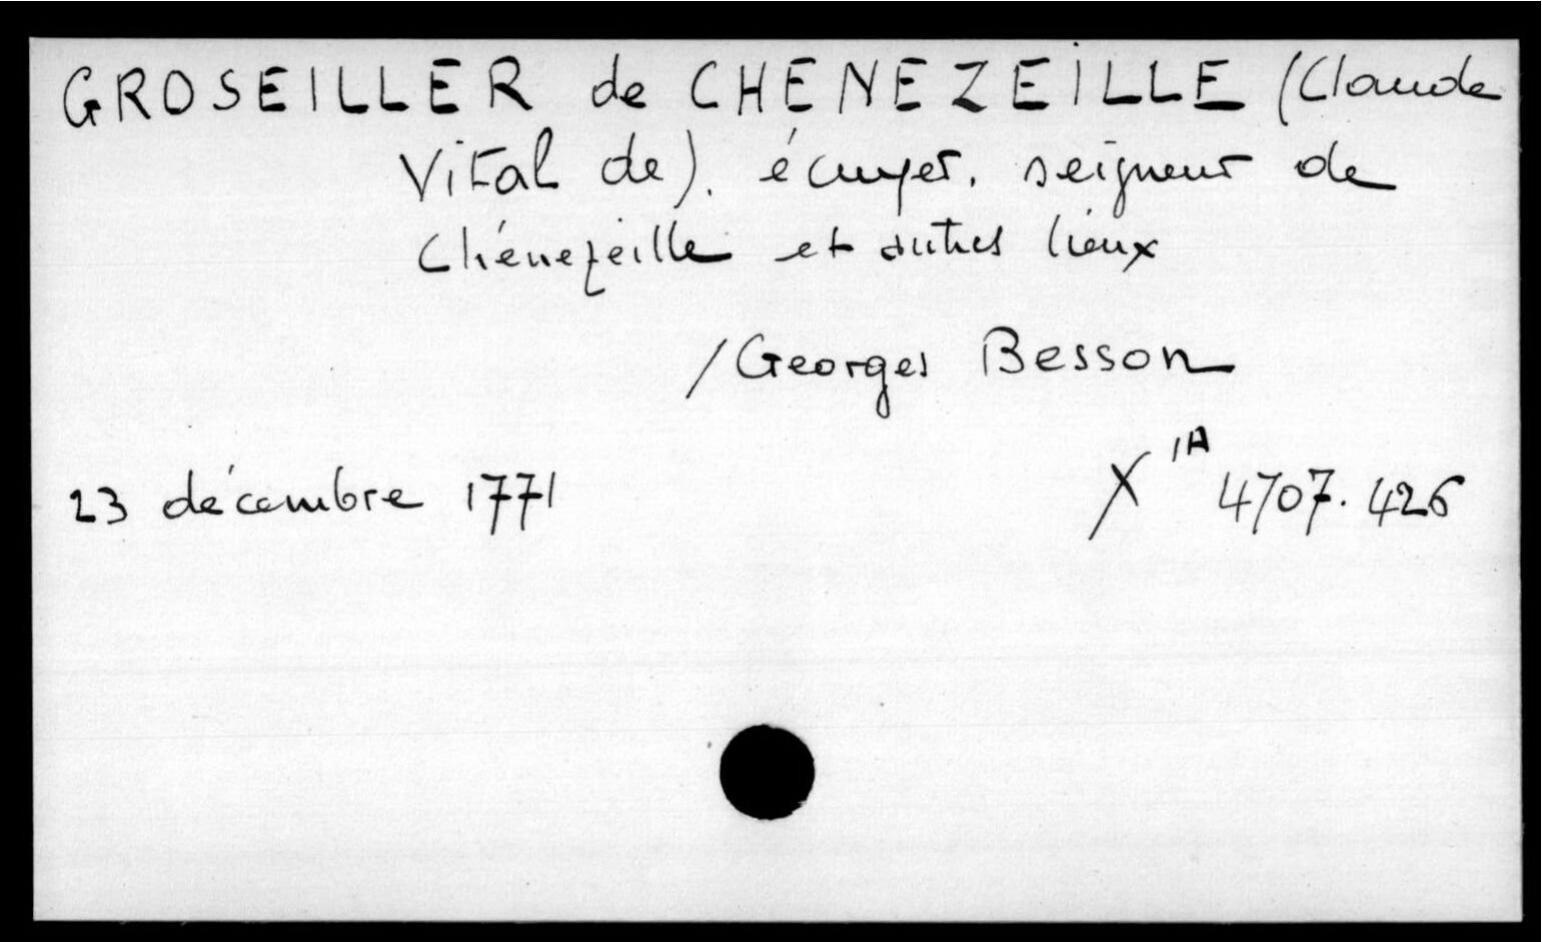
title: GROSEILLER de CHENEZEILLE (Claude Vital de), écuyer, Seigneur de Chénezeille et autres lieux
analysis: Contre Georges Besson
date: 23 décembre 1771
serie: X1A
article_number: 4707
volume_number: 426
